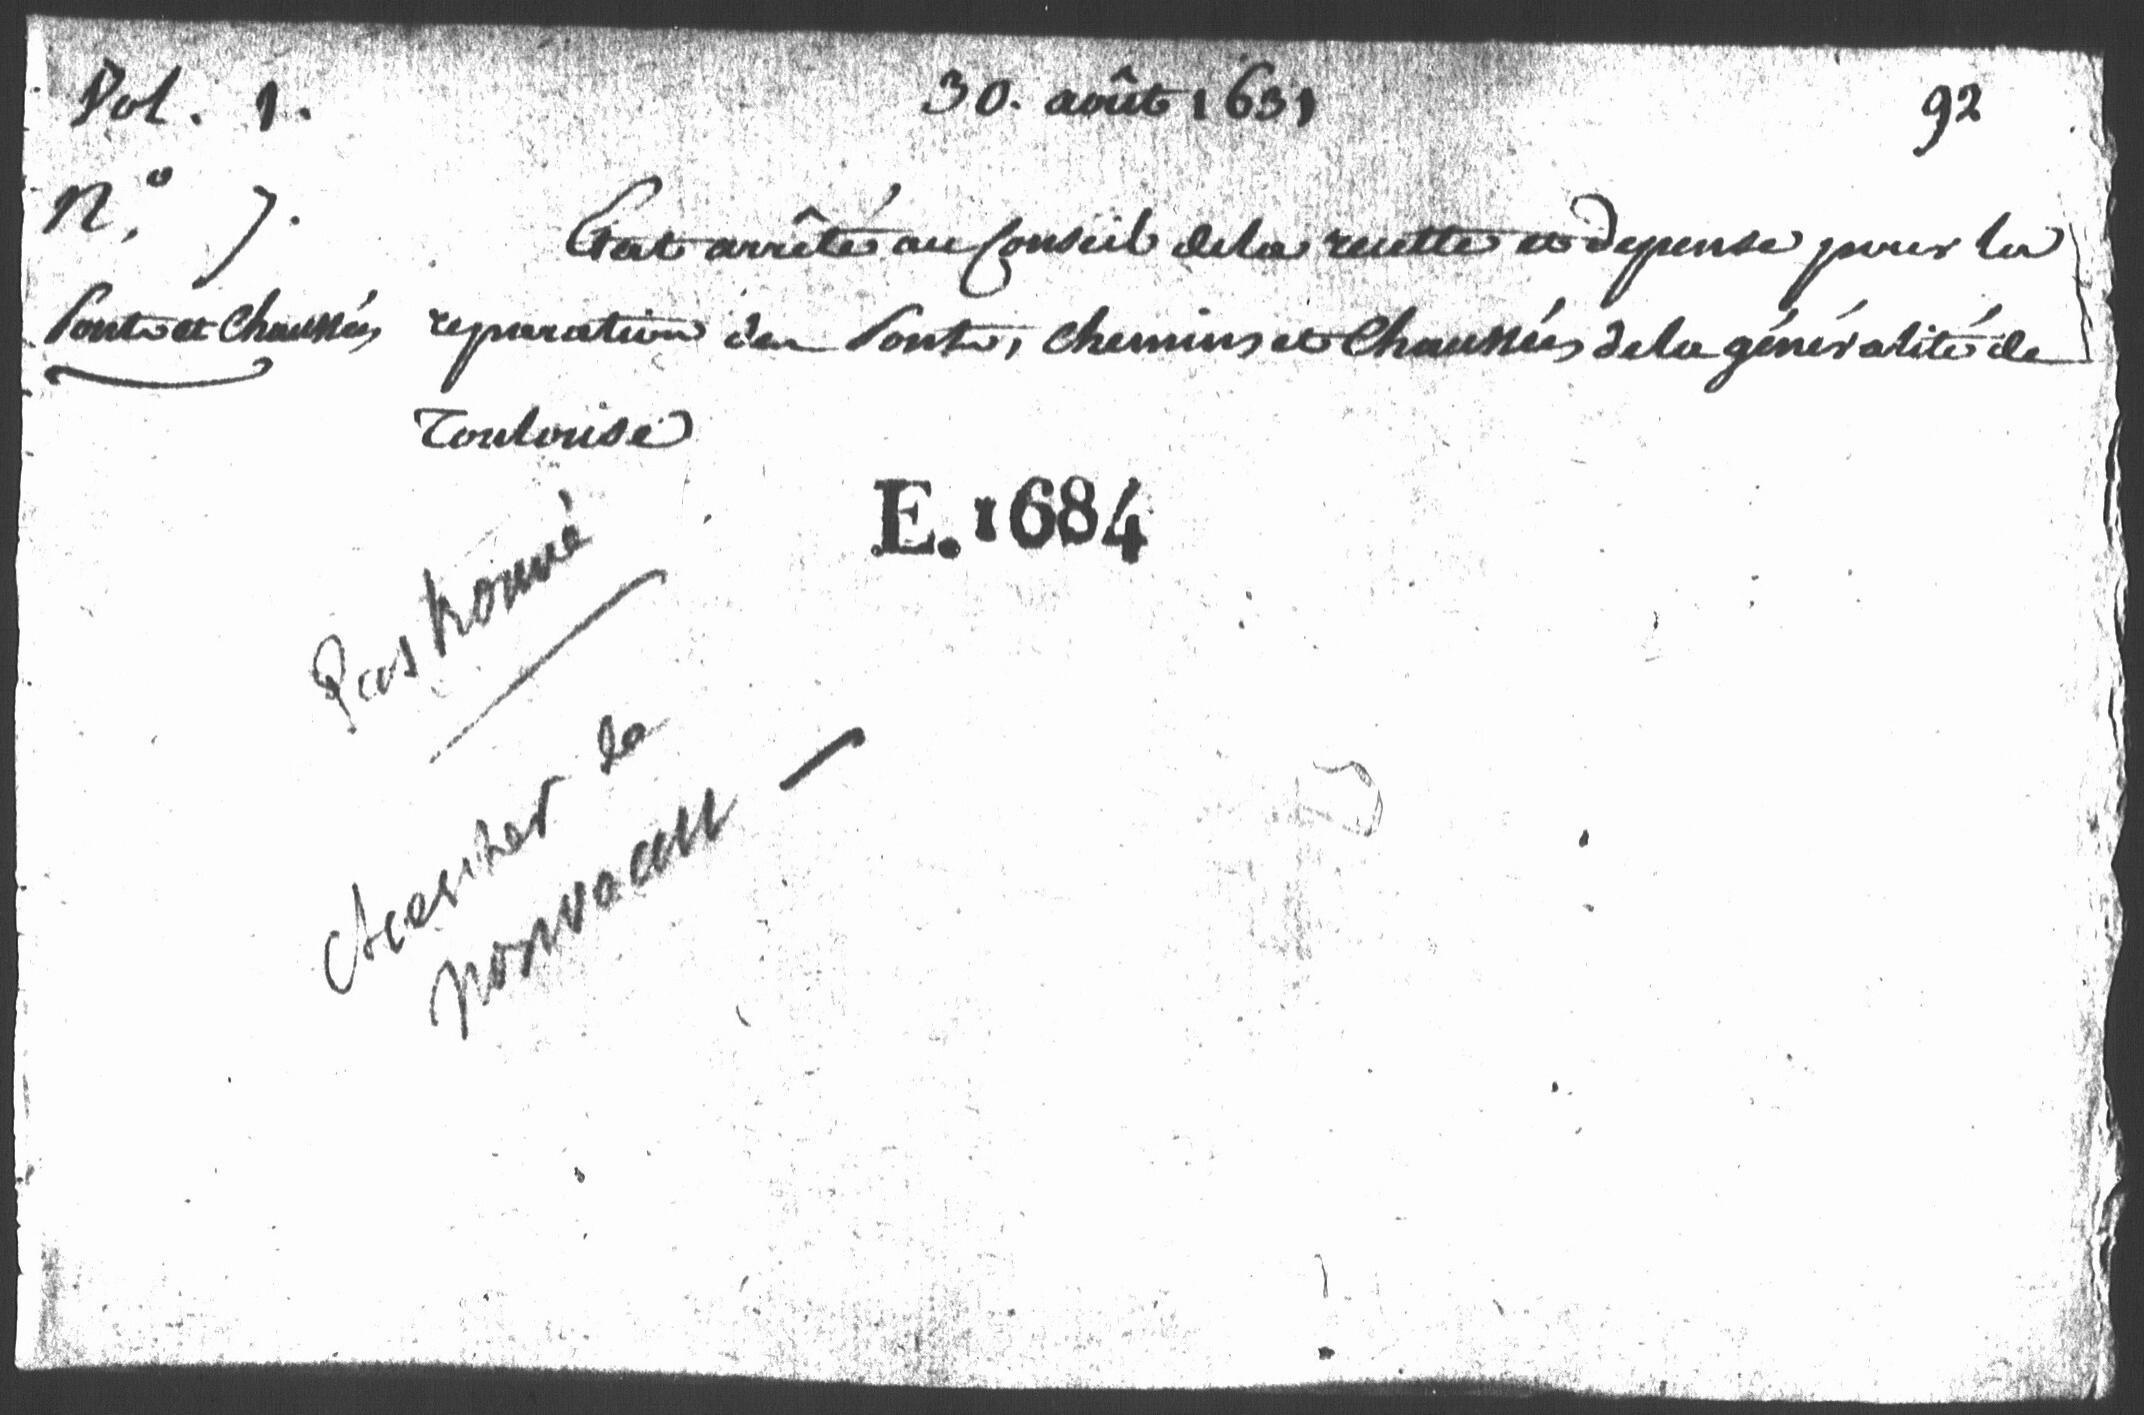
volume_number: n°7
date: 30 août 1631
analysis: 92 Ponts et chaussées [en marge] Pas trouvé Chercher de nouveau
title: Etat arrêté au Conseil de la recette et depense pour la reparation des Ponts, chemins et chaussées de la généralité de Toulouse
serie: E
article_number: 1684
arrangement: vol. 1
